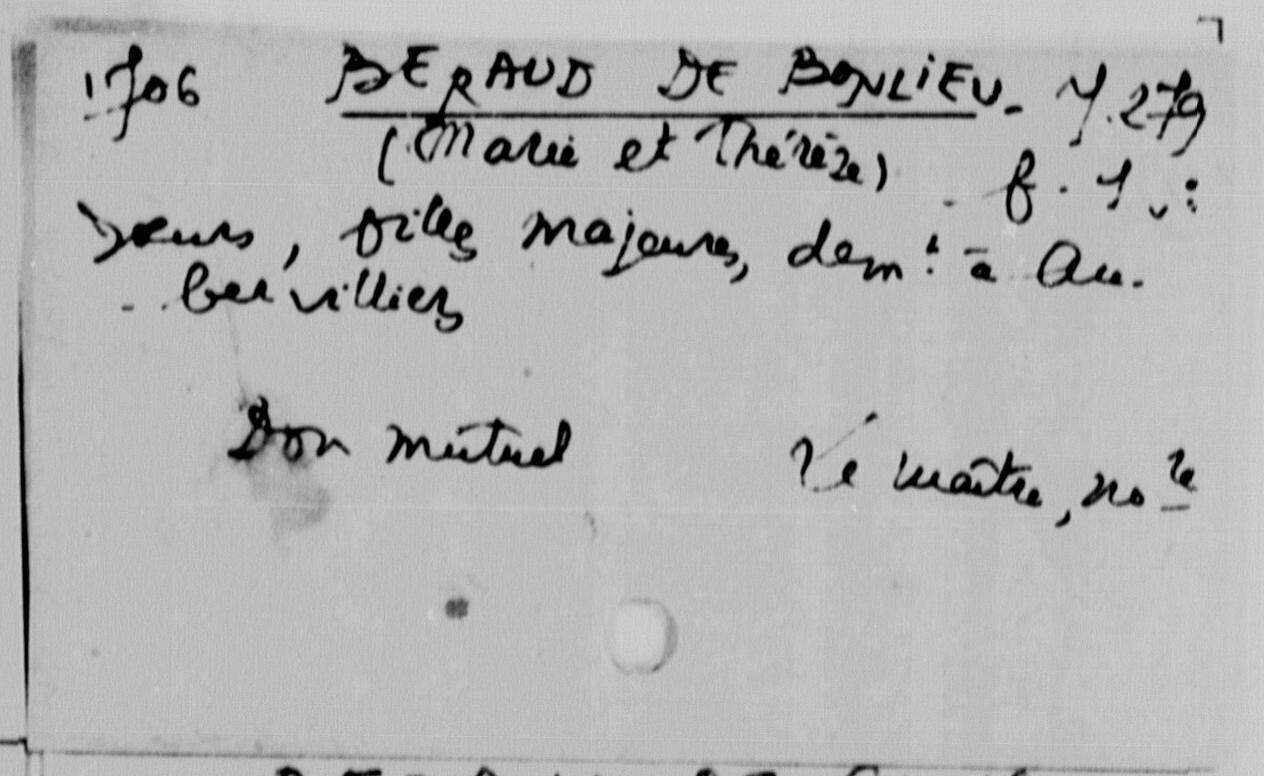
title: BERAUD DE BONLIEU (Marie et Thérèse)
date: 1706
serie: Y
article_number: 279
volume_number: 1v
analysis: Sœurs, filles majeures, demeurant à Aubervilliers Don mutuel Le maître, notaire
